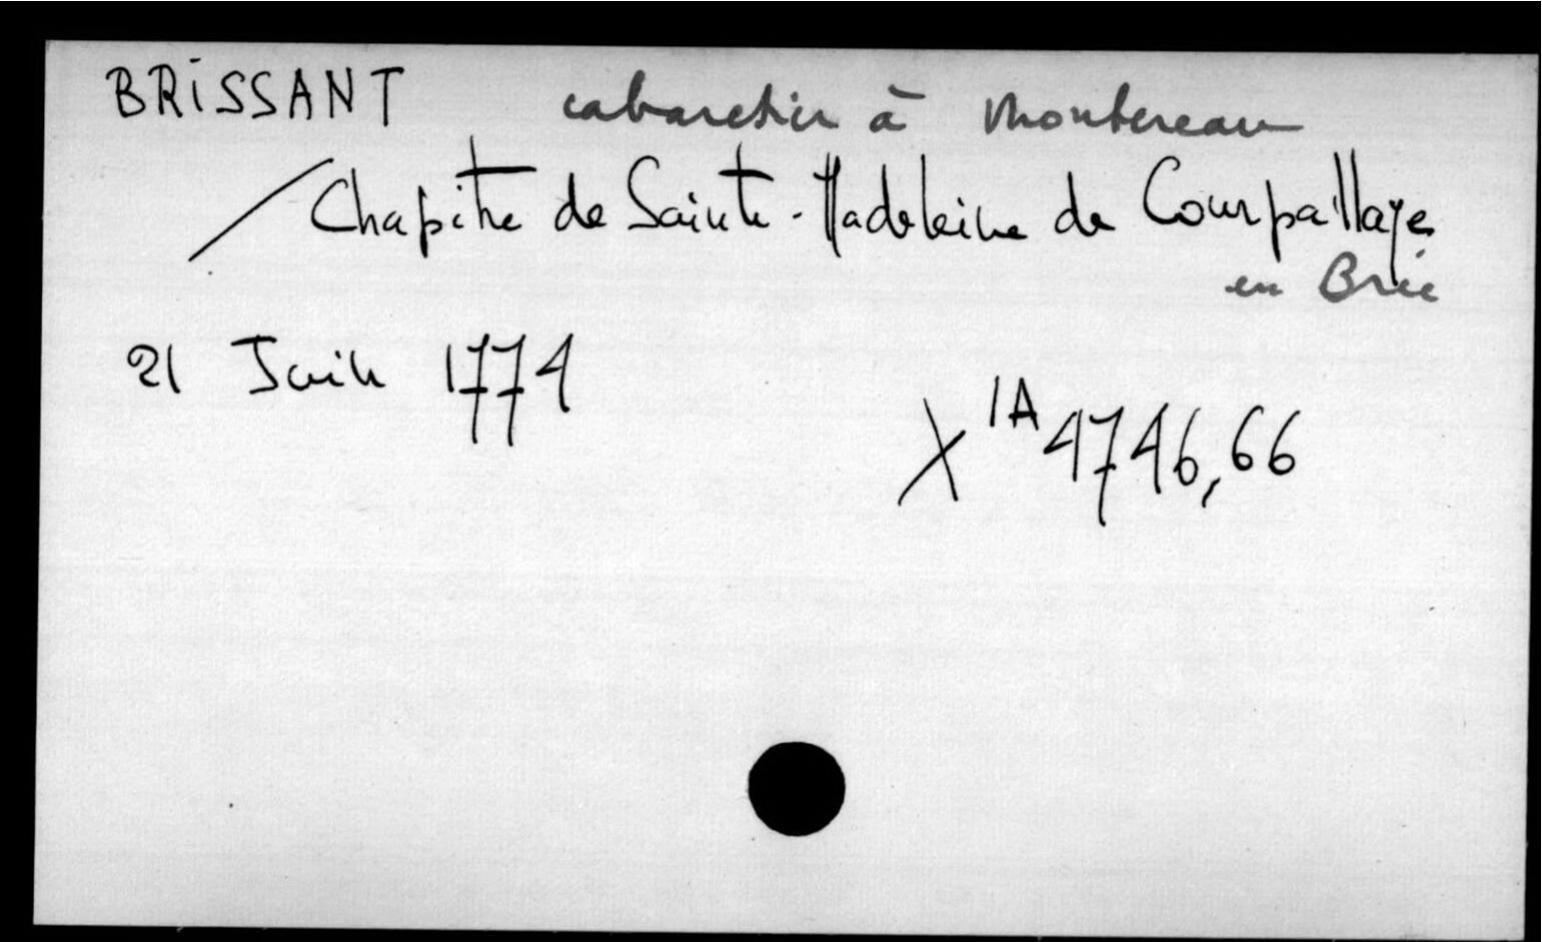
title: BRISSANT cabaretier à Montereau
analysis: Contre Chapitre de Sainte-Madeleine de Courpallaye en Brie
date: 21 juin 1774
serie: X1A
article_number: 4746
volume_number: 66
